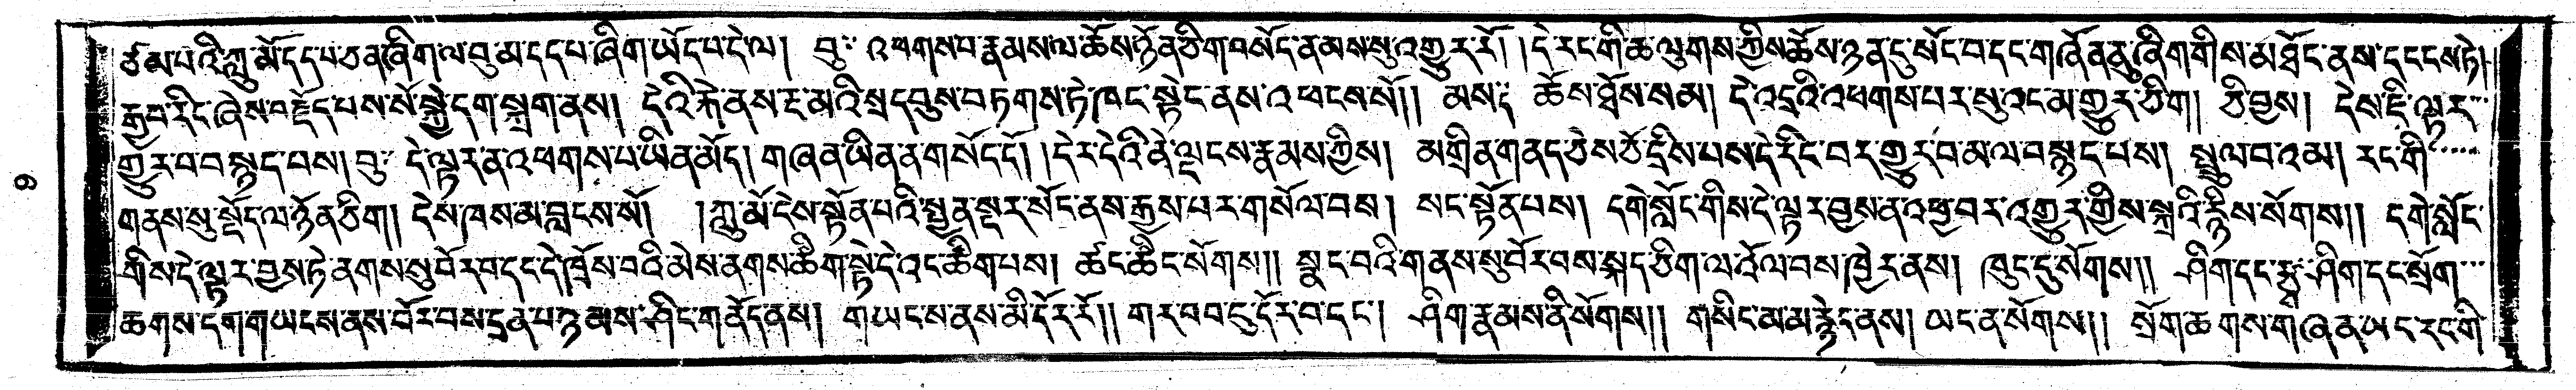ཙམ་པའི་ཀླུ་མོ་དད་པ་ཅན་ཞིག་ལ་བུ་མ་དད་པ་ཞིག་ཡོད་པ་དེ་ལ། བུ་འཕགས་པ་རྣམས་ལ་ཆོས་ཉོན་ཅིག་བསོད་ནམས་སུ་འགྱུར་རོ། །དེ་རང་གི་ཆ་ལུགས་ཀྱིས་ཆོས་ཉན་དུ་སོང་བ་དང་གཞོན་ནུ་ཞིག་གིས་མཐོང་ནས་དངངས་ཏེ།
རྒྱབ་རིང་ཞེས་བརྗོད་པས་སོ་སྐྱེ་དག་སྐྲག་ནས། དེའི་རྐེ་ནས་རྔ་མའི་སྲ་དབུས་བཏགས་ཏེ་ཁང་སྟེང་ནས་འཕངས་སོ།། མས༑ ཆོས་ཐོས་སམ། དེ་འདྲའི་འཕགས་པར་སུའང་མ་གྱུར་ཅིག། ཅི་བྱས། དེས་ཇི་ལྟར་
གྱུར་པ་བསྙད་པས། བུ་དེ་ལྟར་ན་འཕགས་པ་ཡིན་མོད། གཞན་ཡིན་ན་གསོད་དོ། །དེར་དེའི་ནེ་ལྡངས་རྣམས་ཀྱིས། མགྲིན་གནད་ཅེས་ཅོ་དྲིས་པས་དེ་རིང་བར་གྱུར་བ་མ་ལ་བསྙད་པས། སྤྲུལ་བ་འམ། རང་གི་
གནས་སུ་སྡོད་ལ་ཉོན་ཅིག། དེས་ཁས་མ་བླངས་སོ། །ཀླུ་མོ་དེས་སྟོན་པའི་སྤྱན་སྔར་སོང་ནས་རྒྱས་པར་གསོལ་བས། སང་སྟོན་པས། དགེ་སློང་གིས་དེ་ལྟར་བྱས་ན་འཕྱ་བར་འགྱུར་གྱིས་སྐྲའི་རྙིས་སོགས། དགེ་སློང་
གིས་དེ་ལྟར་བྱས་ཏེ་ནགས་སུ་བོར་བ་དང་དེ་ཁྲོས་པའི་མེས་ནགས་ཚིག་སྟེ་དེའང་ཚིག་པས། ཚང་ཚིང་སོགས།། སྣང་བའི་གནས་སུ་བོར་བས་སྐད་ཅིག་ལ་འོལ་བས་ཁྱེར་ནས། ཁུང་དུ་སོགས།། ཤིག་དང་རྩྭ་ཤིག་དང་སྲོག་
ཆགས་དག་གཡངས་ནས་བོར་བས་དྲན་པ་ཉམས་ཤིང་གནོད་ནས། གཡང་ས་ནས་མི་དོར་རོ།། གར་བབ་དུ་དོར་བ་དང་། ཤིག་རྣམས་ནི་སོགས།། གསིང་མ་མ་རྙེད་ནས། ཡང་ན་སོགས།། སྲོག་ཆགས་གཞན་ཡང་རང་གི་